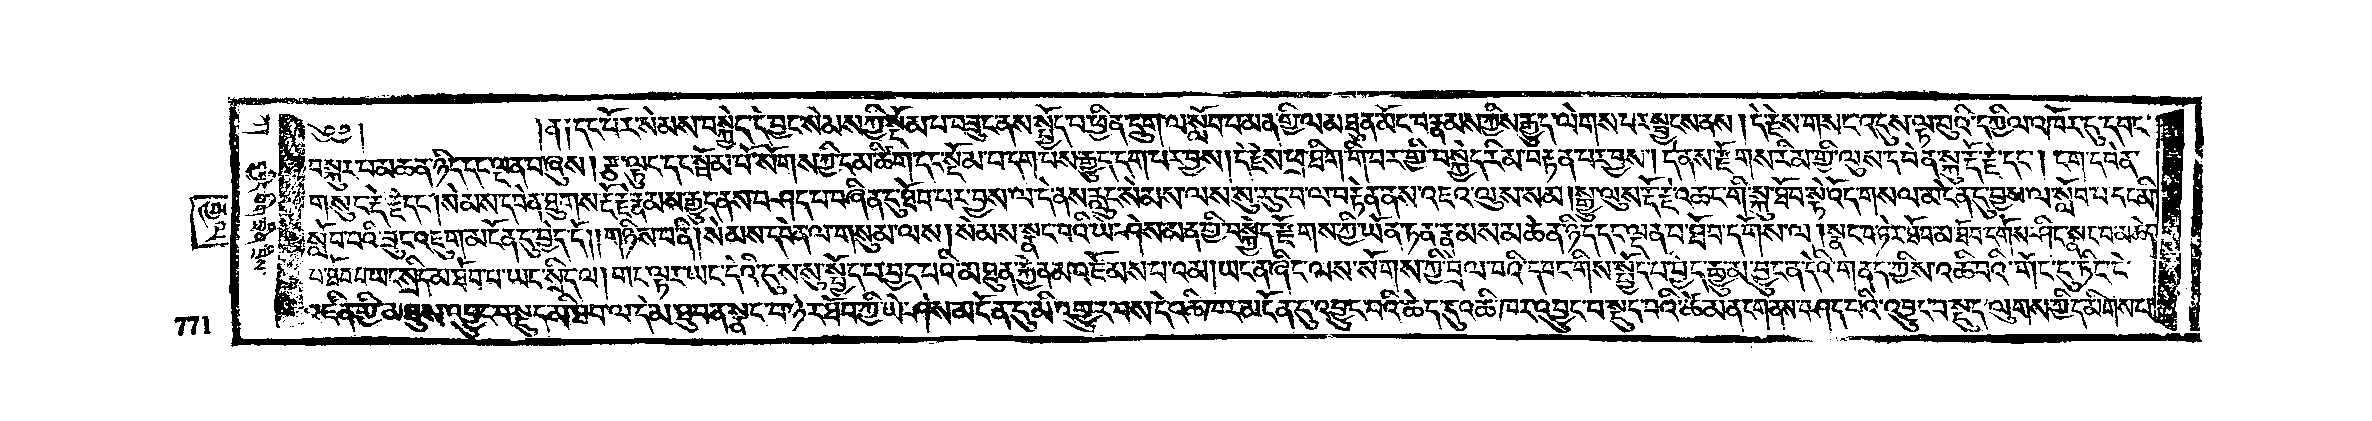༄༅། །ན༑ དང་པོར་སེམས་བསྐྱེད་དེ་བྱང་སེམས་ཀྱི་སྡོམ་པ་བཟུང་ནས་སྤྱོད་པ་ཕྱིན་དྲུག་ལ་སློབ་པ་མན་གྱི་ལམ་ཐུན་མོང་བ་རྣམས་ཀྱིས་རྒྱུད་ལེགས་པར་སྦྱངས་ནས། དེ་རྗེས་གསང་འདུས་ལྟ་བུའི་དཀྱིལ་འཁོར་དུ་དབང་
བསྐུར་བ་མཚན་ཉིད་དང་ལྡན་པ་ཞུས། རྩ་ལྟུང་དང་སྦོམ་པོ་སོགས་ཀྱི་དམ་ཚིག་དང་སྡོམ་པ་དག་པས་རྒྱུད་དག་པར་བྱས། དེ་རྗེས་ཕྲ་ཐིག་གི་བར་གྱི་བསྐྱེད་རིམ་བརྟན་པར་བྱས། དེ་ནས་རྫོགས་རིམ་གྱི་ལུས་དབེན་སྐུ་རྡོ་རྗེ་དང་། ངག་དབེན་
གསུང་རྡོ་རྗེ་དང་། སེམས་དབེན་ཐུགས་རྡོ་རྗེ་རྣམས་རྒྱུད་ནས་བཤད་པ་བཞིན་དུ་ཐོབ་པར་བྱས་ལ་དེ་ནས་རླུང་སེམས་ལས་སུ་རུང་བ་ལ་བརྟེན་ནས་འཇའ་ལུས་སམ། སྒྱུ་ལུས་རྡོ་རྗེ་འཆང་གི་སྐུ་ཐོབ་སྟེ་འོད་གསལ་མངོན་དུ་བྱས་ལ་སློབ་པ་དང་མི་
སློབ་པའི་ཟུང་འཇུག་མངོན་དུ་བྱེད་དོ། །གཉིས་པ་ནི། སེམས་དབེན་ལ་གསུམ་ལས། སེམས་སྣང་བའི་ཡེ་ཤེས་མན་གྱི་བསྐྱེད་རྫོགས་ཀྱི་ཡོན་ཏན་རྣམས་མཚན་ཉིད་དང་ལྡན་པ་ཐོབ་དགོས་ལ། སྣང་བ་ཉེར་ཐོབ་མ་ཐོབ་དགོས་ཤིང་སྣང་བ་མཆེད་
པ་ཐོབ་པ་ཡང་སྲིད་མ་ཐོབ་པ་ཡང་སྲིད་ལ། གང་ལྟར་ཡང་དེའི་དུས་སུ་སྤྱོད་པ་བྱད་པའི་མཐུན་རྐྱེན་མ་འཇོམས་པ་འམ། ཡང་ན་ཞིང་ལས་སོགས་ཀྱི་བྲེལ་བའི་དབང་གིས་སྤྱོད་པ་བྱེད་རྒྱུ་མ་བྱུང་ན་དེའི་གནད་ཀྱིས་འཆི་བའི་གོང་དུ་ཏིང་ངེ་
འཛིན་གྱི་མཐུས་འབྱུང་བ་སྡུད་མི་ཐབ་ལ་དེ་མ་ཐུབ་ན་སྣང་བ་ཉེར་ཐོབ་ཀྱི་ཡེ་ཤེས་མངོན་དུ་མི་འགྱུར་བས་དེ་འཆི་ཁར་མངོན་དུ་འབྱུང་བའི་ཆེད་དུ་འཆི་ཁར་འབྱུང་བ་སྡུད་པའི་ཚེ་མན་ངག་ནས་བཤད་པའི་འབྱུང་བ་སྡུད་ལུགས་ཀྱི་དམིགས་པ་